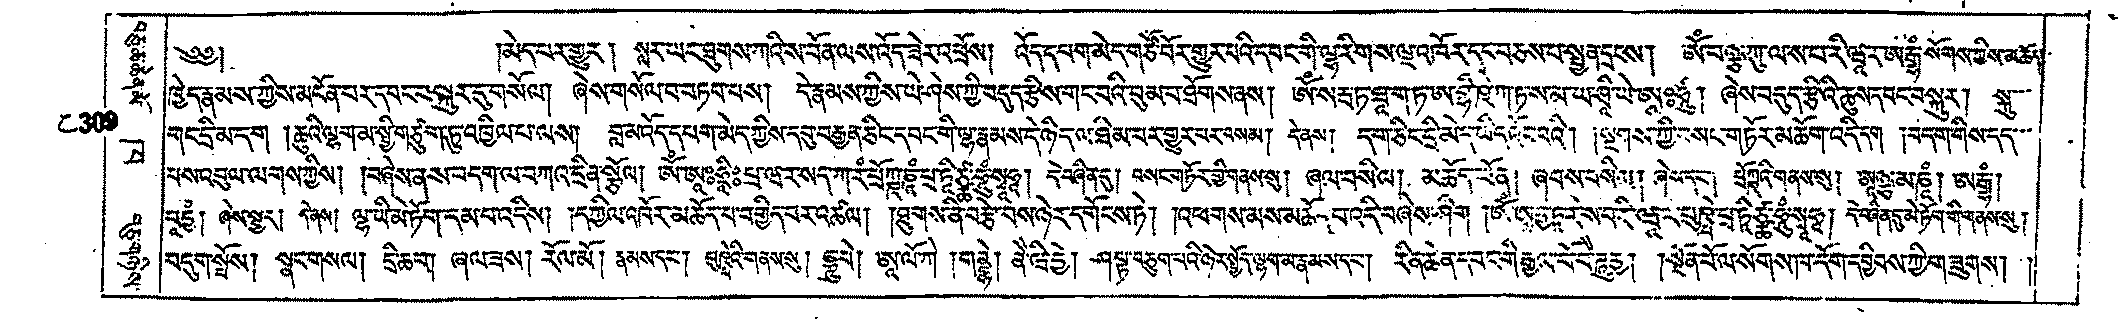༄༅། །མེད་པར་གྱུར། སླར་ཡང་ཐུགས་ཀའི་ས་བོན་ལས་འོད་ཟེར་འཕྲོས། འོད་དཔག་མེད་གཙོ་བོར་གྱུར་པའི་དབང་གི་ལྷ་རིགས་ལྔ་འཁོར་དང་བཅས་པ་སྤྱན་དྲངས། ཨོཾ་པཉྩ་ཀུ་ལ་ས་པ་རི་ཝཱ་ར་ཨ་རྒྷཾ་སོགས་ཀྱིས་མཆོད
ཁྱེད་རྣམས་ཀྱིས་མངོན་པར་དབང་བསྐུར་དུ་གསོལ། ཞེས་གསོལ་བ་བཏབ་པས། དེ་རྣམས་ཀྱིས་ཡེ་ཤེས་ཀྱི་བདུད་རྩིས་གང་བའི་བུམ་པ་ཐོགས་ནས། ཨོཾ་སརྦ་ཏ་ཐཱ་ག་ཏ་ཨ་བྷི་ཥེ་ཀ་ཏ་ས་མ་ཡ་ཤྲཱི་ཡེ་ཨཱཿ ཧཱུཾ། ཞེས་བདུད་རྩིའི་ཆུས་དབང་བསྐུར། སྐུ་་་
གང་དྲི་མ་དག །ཆུའི་ལྷག་མ་སྤྱི་གཙུག་ཏུ་འཁྱིལ་པ་ལས། བླ་མ་འོད་དཔག་མེད་ཀྱིས་དབུ་བརྒྱན་ཅིང་དབང་གི་ལྷ་རྣམས་དེ་ཉིད་ལ་ཐིམ་པར་གྱུར་པར་བསམ། དེ་ནས།  དག་ཅིང་དྲི་མེད་ཡིད་འོང་བའི། །སྔགས་ཀྱི་བསང་གཏོར་མཆོག་འདི་དག །བདག་གིས་དད་་་
པས་འབུལ་ལགས་ཀྱིས། །བཞེས་ནས་བདག་ལ་བཀའ་དྲིན་སྩོལ། ཨོཾ་ཨཱཿ ཧྲཱིཿ པྲ་ཝ་ར་སད་ཀ་རཾ་པྲོཀྵ་ཎཱཾ་པྲ་ཏཱིཙྪ་ཧཱུཾ་སྭཱཧཱ། དེ་བཞིན་དུ། བསང་གཏོར་གྱི་གནས་སུ།  ཞལ་བསིལ། མཆོད་ཡོན། ཞབས་བསིལ། ཞེས་དང་། པྲོཀྵའི་གནས་སུ།  ཨཱཉྩ་མ་ཎཱཾ། ཨརྒྷཾ།
པཱདྱཾ། ཞེས་སྦྱར། དེ་ནས།  ལྷ་ཡི་མེ་ཏོག་དམ་པ་འདིས། །དཀྱིལ་འཁོར་མཆོད་པ་བགྱིད་པར་འཚལ། །ཐུགས་ནི་བརྩེ་བས་ཉེར་དགོངས་ཏེ། །འཕགས་མས་མཆོད་པ་འདི་བཞེས་ཤིག །ཨོཾ་ཨཱདྱ་ཏཱ་རེ་ས་པ་རི་ཝཱ་ར་པུཥྤེ་པྲ་ཏཱིཙྪ་ཧཱུཾ་སྭཱཧཱ། དེ་བཞིན་དུ་མེ་ཏོག་གི་གནས་སུ།
བདུག་སྤོས། སྣང་གསལ། དྲི་ཆབ། ཞལ་ཟས། རོལ་མོ། རྣམས་དང་། པུཥྤེའི་གནས་སུ།  དྷཱུ་པེ། ཨཱ་ལོ་ཀེ །གནྡྷེ། ནཻ་ཝིདྱེ། ཤཔྟ་བཅུག་པའི་ཉེར་སྤྱོད་ལྷག་མ་རྣམས་དང་།  རིན་ཆེན་དབང་གི་རྒྱལ་པོ་བཻཌཱུརྱ། །སྔོན་པོ་ལ་སོགས་ཁ་དོག་དབྱིབས་ཀྱི་གཟུགས། །